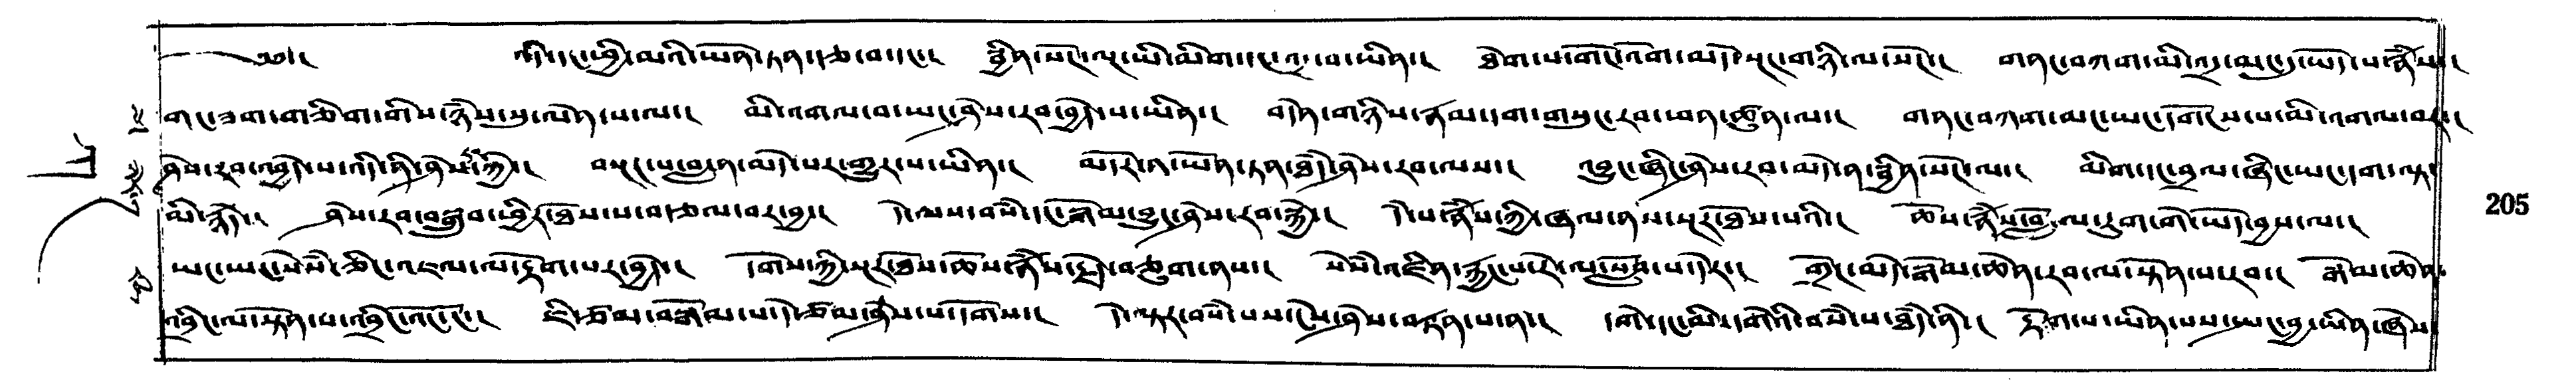འདི་དང་ཕྱི་མའི་ཡོན་ཏན་རྩ་བ་དང་། །སྦྱིན་སོགས་ལྔ་ཡི་མིག་དང་འདྲ་བ་ཡིན། །ཐེག་པ་གོང་འོག་མདོ་སྔགས་གཉིས་ལ་སོགས། །གནང་བཀག་མི་འདྲ་མང་དུ་ཡོད་པ་རྣམས། །
གང་ཟག་གཅིག་གིས་ཉམས་སུ་ལེན་པ་ལ། །མི་འགལ་བ་ཡང་ཤེས་རབ་བྱེད་པ་ཡིན། །བདེན་གཉིས་རྣམ་དག་གསུང་རབ་ཕན་ཚུན་ལ། །གནང་བཀག་མང་ཡང་དགོངས་པ་མི་འགལ་བར། །
ཤེས་རབ་འབྱེད་པ་འདི་ནི་ཤེས་རབ་ཀྱི། །བསྔགས་པ་བླ་ན་མེད་པར་གྱུར་པ་ཡིན། །མདོར་ན་ཡོན་ཏན་ཐམས་ཅད་ཤེས་རབ་ལས། །འབྱུང་ཞིང་ཤེས་རབ་མེད་ན་སྦྱིན་སོགས་ལ། །མིག་དང་བྲལ་ཞིང་ཡང་དག་ལྟ་
མི་རྙེད། །ཤེས་རབ་བསྒྲུབ་ཕྱིར་ཐོས་པ་བརྩལ་བར་བྱ། །དེ་ལས་བསམ་དང་སྒོམ་བྱུང་ཤེས་རབ་སྐྱེ། །དམ་པ་རྣམས་ཀྱི་ཞལ་ནས་སྔར་ཐོས་པའི། །ཆོས་རྣམས་བློ་ལ་རུག་གེ་ཡོད་བྱས་ལ། །
ཡང་ཡང་སེམས་ཞིང་འཇལ་ལ་རྟོག་པར་བྱེད། །དགོས་ཀྱི་སྔར་ཐོས་ཆོས་རྣམས་བརྗེད་བཅུག་ནས། །སེམས་འཛིན་རྐྱང་པ་རེ་ལ་སློབ་པ་དེར། །གྲོགས་མེད་སྒོམ་ཆེན་རབ་ལ་སྟོན་པ་རབ། །སྒོམ་ཆེན་
འབྲིང་ལ་སྟོན་པ་འབྲིང་འོང་ངོ་། །ཇི་ཙམ་བསྒོམ་པ་དེ་ཙམ་ཤེས་པ་དགོས། །དེ་ལྟར་བསམ་པས་ངེས་ཤེས་བརྟན་པ་ན། །དགེ་དང་མི་དགེའི་བསམ་པ་ཐམས་ཅད་ནི། །རྟོག་པ་ཡིན་པས་སྤང་བྱ་ཡིན་ཞེས་